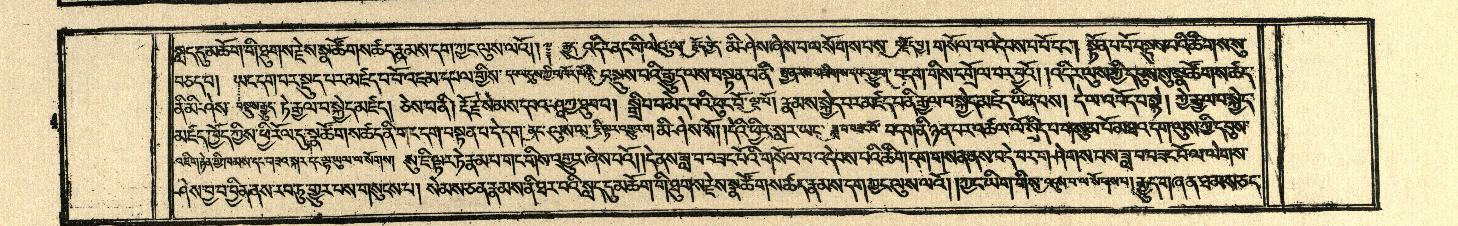སླད་དུ་མཆོག་གི་ཐུགས་རྗེས་སྣ་ཚོགས་ཚད་རྣམས་།དག་ཀྱང་ལུས་ལའོ། །༈ རྒྱུད་འདིར་ནང་གི་ལེའུ་ལ་རྗོད་བྱེད་མི་ཤེས་ཞེས་པ་ལ་སོགས་པས་བརྗོད་བྱ། གསོལ་བ་འདེབས་པ་པོ་དང་། སྟོན་པ་པོ་བསྡུས་པའི་ཚིགས་སུ་
བཅད་པ། ཡང་དག་པར་སྡུད་པར་མཛད་པ་པོ་འཇམ་དཔལ་གྱིས་དཔལ་དུས་གྱི་འཁོར་ལོའི་བསྡུས་པའི་རྒྱུད་ལས་བསྟན་པ་ནི་སྤྱན་རས་གཟིགས་དབང་ཕྱུག་བདག་གིས་དགྲོལ་བར་བྱའོ། །འདིར་ལུས་ཀྱི་དབུས་སུ་སྣ་ཚོགས་ཚད་
ནི་མི་ཤེས་བསྡུས་རྒྱུད་ཏེ་རྒྱལ་བ་སྐྱེད་མཛད། ཅེས་པ་ནི། རྡོ་རྗེ་སེམས་དཔའ་ཤཱ་ཀྱ་ཐུབ་པ། སྒྲིབ་པ་མེད་པའི་ཕུང་པོ་ལྔ་པོ། རྣམས་སྐྱེད་པར་མཛད་པ་ནི་རྒྱལ་བ་སྐྱེད་མཛད་ཡིན་པས། དེ་ལ་འབོད་སྟེ། ཀྱེ་རྒྱལ་བ་སྐྱེད་
མཛད་ཁྱོད་ཀྱིས་ཕྱི་རོལ་དུ་སྣ་ཚོགས་ཚད་ནི་གང་དག་བསྟན་པ་དེ་དག་ནང་ལུས་ལ་ཇི་ལྟར་འགྱུར་བ། མི་ཤེས་སོ། །དེའི་ཕྱིར་སྐར་ཡང་ཟླ་བ་བཟང་པོ་བདག་ནི་ཉན་པར་འཚལ་ལོ་སྲིད་པ་གསུམ་པོ་མཐའ་དག་ལུས་ཀྱི་དབུས་
འཇིག་རྟེན་གྱི་ཁམས་དང་གཟའ་སྐར་དང་ལྷ་ཡུལ་ལ་སོགས། སུ་ཇི་ལྟར་ཏེ་རྣམ་པ་གང་གིས་འགྱུར་ཞེས་པའོ། །དེ་ནས་ཟླ་བ་བཟང་པོའི་གསོལ་བ་འདེབས་པའི་ཚིགས་དག་གསན་ནས་བདེ་བར་གཤེགས་པས་ཟླ་བ་བཟང་པོ་ལ་ལེགས་
ཤེས་བྱ་བ་བྱིན་ནས་རབ་ཏུ་གྱུར་པས་གསུངས་པ། སེམས་ཅན་རྣམས་ནི་ཐར་པའི་སླད་དུ་མཆོག་གི་ཐུགས་རྗེས་སྣ་ཚོགས་ཚད་རྣམས་དག་ཀྱང་ལུས་ལའོ། །ཀྱང་ཡིག་གིས་འདུས་པ་ལ་སོགས་པ། རྒྱུད་གཞན་ཐམས་ཅད་